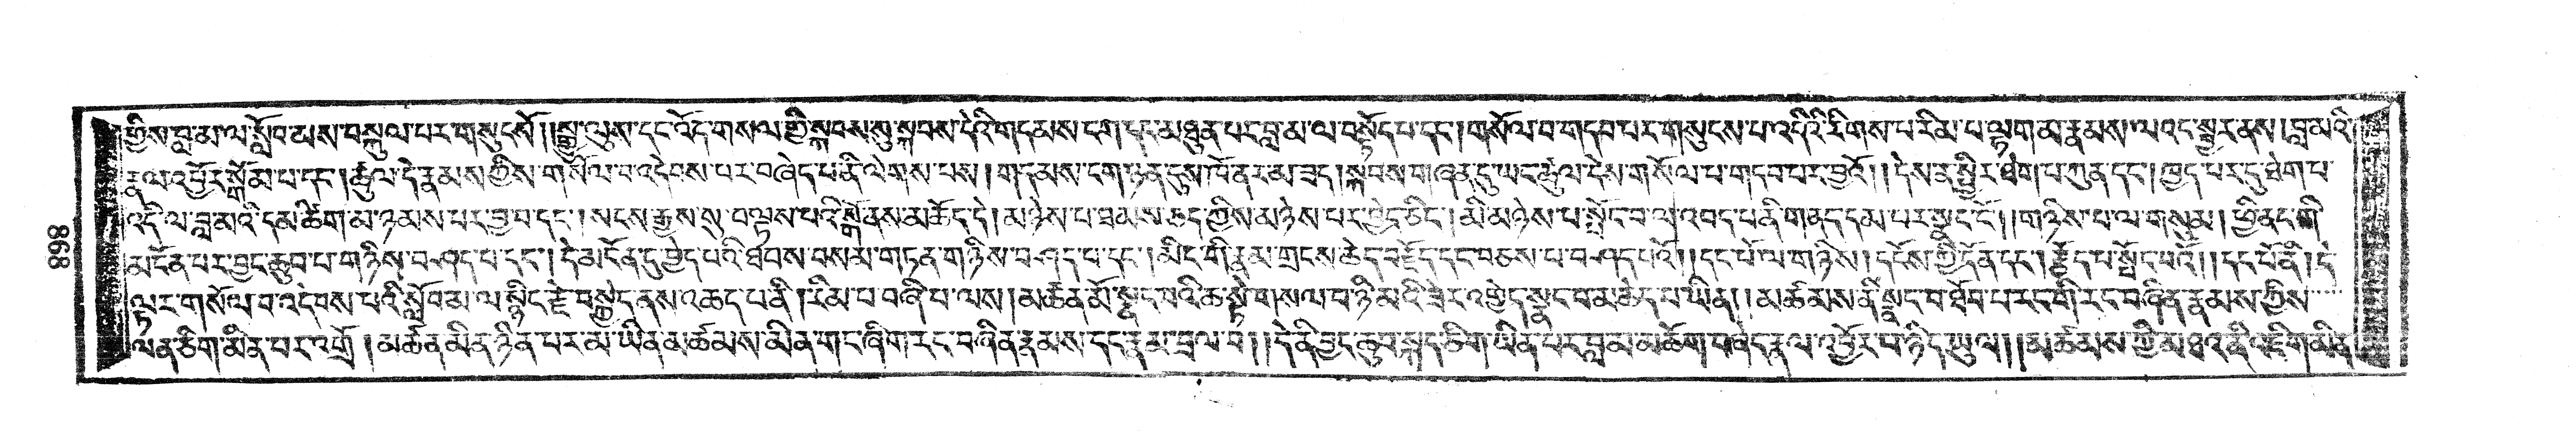གྱིས་བླ་མ་ལ་སློབ་མས་བསྐུལ་པར་གསུངས་སོ། །སྒྱུ་ལུས་དང་འོད་གསལ་གྱི་སྐབས་སུ་སྐབས་དེའི་གདམས་ངག་དང་མཐུན་པར་བླ་མ་ལ་བསྟོད་པ་དང་། གསོལ་བ་གདབ་པར་གསུངས་པ་འདིའི་རིགས་པ་རིམ་པ་ལྷག་མ་རྣམས་ལའང་སྦྱར་ནས། བླ་མའི་
རྣལ་འབྱོར་སྒོམ་པ་དང་། ཚུལ་དེ་རྣམས་ཀྱིས་གསོལ་བ་འདེབས་པར་བཞེད་པ་ནི་ལེགས་པས། གདམས་ངག་ཉན་དུས་ཁོ་ནར་མ་ཟད། སྐབས་གཞན་དུ་ཡང་ཚུལ་དེས་གསོལ་པ་གདབ་པར་བྱའོ། །དེས་ན་སྤྱིར་ཐེག་པ་ཀུན་དང་། ཁྱད་པར་དུ་ཐེག་པ་
འདི་ལ་བླ་མའི་དམ་ཚིག་མ་ཉམས་པར་བྱ་བ་དང་། སངས་རྒྱས་སུ་བལྟས་པའི་སྒོ་ནས་མཆོད་དེ། མཉེས་པ་ཐམས་ཅད་ཀྱིས་མཉེས་པར་བྱེད་ཅིང་། མི་མཉེས་པ་སྤོང་བ་ལ་འབད་པ་ནི་གནད་དམ་པར་སྣང་ངོ། །གཉིས་པ་ལ་གསུམ། ཕྱི་ནང་གི་
མངོན་པར་བྱང་ཆུབ་པ་གཉིས་བཤད་པ་དང་། དེ་མངོན་དུ་བྱེད་པའི་ཐབས་བསམ་གཏན་གཉིས་བཤད་པ་དང་། མིང་གི་རྣམ་གྲངས་ཆེད་བརྗོད་དང་བཅས་པ་བཤད་པའོ། །དང་པོ་ལ་གཉིས། དངོས་ཀྱི་དོན་དང་། རྩོད་པ་སྤོང་བའོ། །དང་པོ་ནི། དེ་
ལྟར་གསོལ་བ་འདེབས་པའི་སློབ་མ་ལ་སྙིང་རྗེ་བསྐྱེད་ནས་འཆད་པ་ནི། རིམ་པ་བཞི་པ་ལས། མཚན་མོ་སྣང་བའི་ཆ་སྟེ་གསལ་བ་ཉི་མའི་ཟེར་འགྱེད་སྣང་བ་མཆེད་པ་ཡིན། །མཚམས་ནི་སྣང་བ་ཐོབ་པ་རང་གི་རང་བཞིན་རྣམས་ཀྱིས་
ལན་ཅིག་མིན་པར་འགྲོ་།མཚན་མིན་ཉིན་པར་མ་ཡིན་མཚམས་མིན་གང་ཞིག་རང་བཞིན་རྣམས་དང་རྣམ་བྲལ་བ། །དེ་ནི་བྱང་ཆུབ་སྐད་ཅིག་ཡིན་པར་བླ་མ་མཆོག་བཞེད་རྣལ་འབྱོར་པ་ཉིད་ཡུལ། །མཚམས་ཀྱི་མཐའ་ནི་འཇིག་མིན་